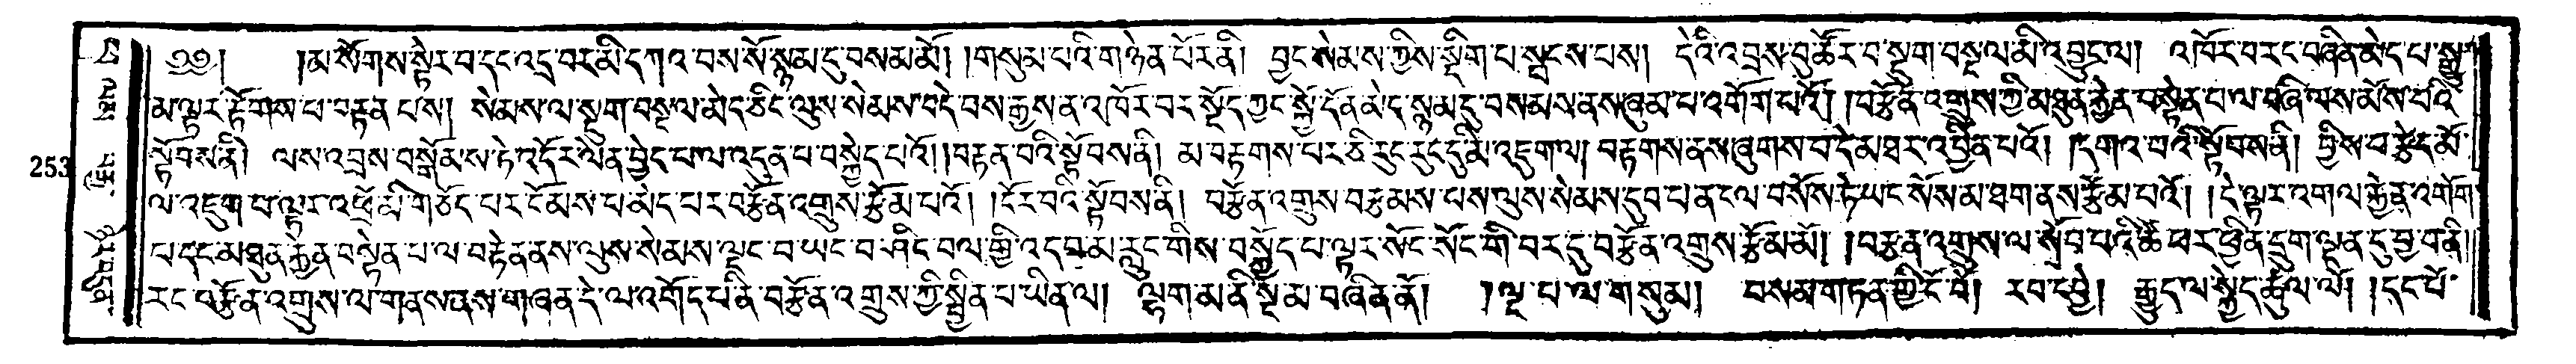༄༅། །མ་སོགས་སྟེར་བ་དང་འདྲ་བར་མི་དཀའ་བས་སོ་སྙམ་དུ་བསམ་མོ། །གསུམ་པའི་གཉེན་པོར་ནི། བྱང་སེམས་ཀྱིས་སྡིག་པ་སྦངས་པས། དེའི་འབྲས་བུ་ཚོར་བ་སྡུག་བསྔལ་མི་འབྱུང་ལ། འཁོར་བ་རང་བཞིན་མེད་པ་སྒྱུ་
མ་ལྟར་རྟོགས་པ་བརྟན་པས། སེམས་ལ་སྡུག་བསྔལ་མེད་ཅིང་ལུས་སེམས་བདེ་བས་རྒྱས་ན་འཁོར་བར་སྡོད་ཀྱང་སྐྱོ་དོན་མེད་སྙམ་དུ་བསམས་ནས་ཞུམ་པ་འགོག་པའོ། །བརྩོན་འགྲུས་ཀྱི་མཐུན་རྐྱེན་བསྟེན་པ་ལ་བཞི་ལས་མོས་པའི་
སྟོབས་ནི། ལས་འབྲས་བསྒོམས་ཏེ་འདོར་ལེན་བྱེད་པ་ལ་འདུན་པ་བསྐྱེད་པའོ། །བརྟན་བའི་སྟོབས་ནི། མ་བརྟགས་པར་ཅི་རུང་རུང་དུ་མི་འཇུག་ལ། བརྟགས་ནས་ཞུགས་པ་དེ་མཐར་འབྱིན་པའོ། །དགའ་བའི་སྟོབས་ནི། བྱིས་བ་རྩེད་མོ་
ལ་འཇུག་པ་ལྟར་འཕྲོ་མི་གཅོད་པར་ངོམས་པ་མེད་པར་བརྩོན་འགྲུས་རྩོམ་པའོ། །ངོར་བའི་སྟོབས་ནི། བརྩོན་འགྲུས་བརྩམས་པས་ལུས་སེམས་དུབ་པ་ན་ངལ་བསོས་ཏེ་ཡང་སོས་མ་ཐག་ནས་རྩོམ་པའོ། །དེ་ལྟར་འགལ་རྐྱེན་འགོག་
པ་དང་མཐུན་རྐྱེན་བསྟེན་པ་ལ་བརྟེན་ནས་ལུས་སེམས་ལྡང་བ་ཡང་བ་ཤིང་བལ་གྱི་འདབ་མ་རླུང་གིས་བསྐྱོད་པ་ལྟར་སོང་སོང་གི་བར་དུ་བརྩོན་འགྲུས་རྩོམ་མོ། །བརྩན་འགྲུས་ལ་སྲོབ་པའི་ཚེ་ཕར་ཕྱིན་དྲུག་ལྡན་དུ་བྱ་བ་ནི།།
རང་བརྩོན་འགྲུས་ལ་གནས་ནས་གཞན་དེ་ལ་འགོད་པ་ནི་བརྩོན་འགྲུས་ཀྱི་སྦྱིན་པ་ཡིན་ལ། ལྷག་མ་སྔ་མ་བཞིན་ནོ། །ལྔ་པ་ལ་གསུམ། བསམ་གཏན་གྱི་ངོ་བོ། རབ་དབྱེ། རྒྱུད་ལ་སྐྱེད་ཚུལ་ལོ། །དང་པོ་